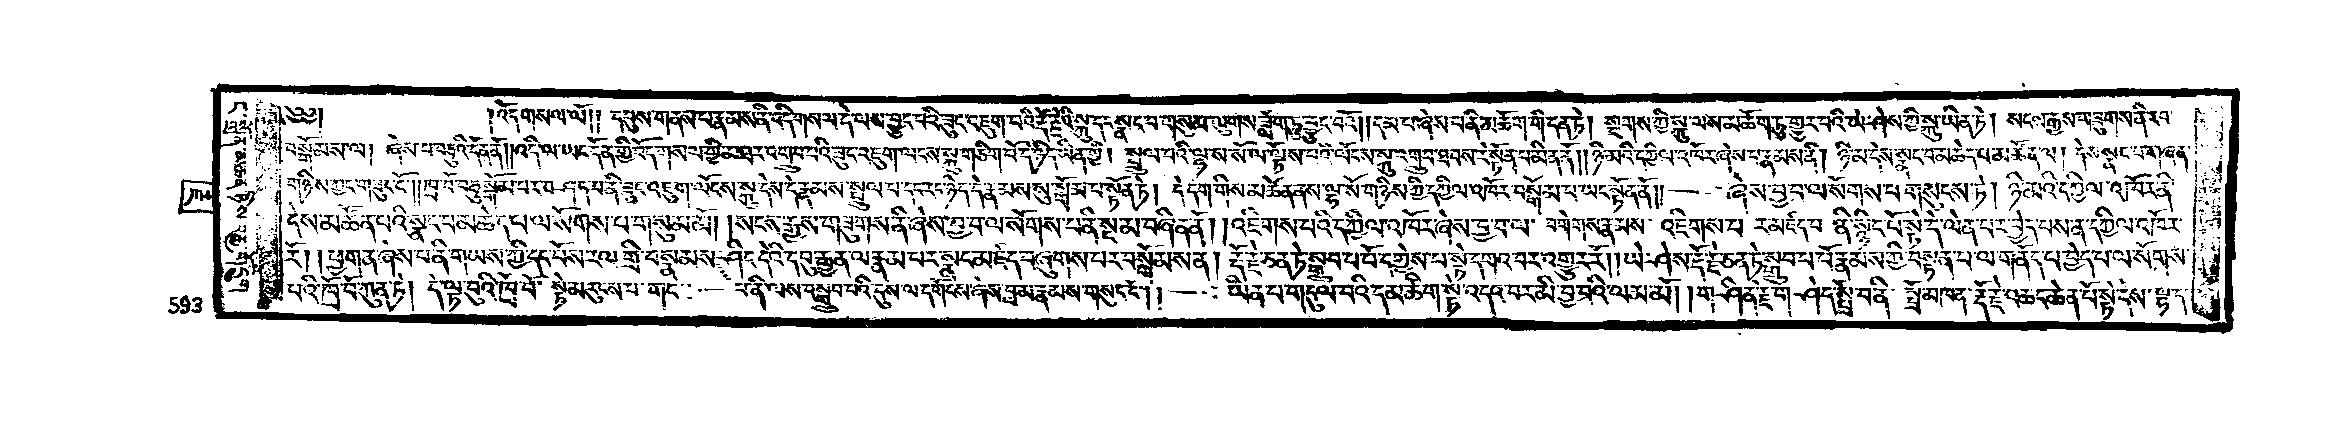༄༅། །འོད་གསལ་ལོ། །དབུས་གནས་པ་རྣམས་ནི་འོད་གསལ་དེ་ལས་བྱུང་བའི་ཟུང་འཇུག་པའི་རྡོ་རྗེའི་སྐུ་དང་སྣང་བ་གསུམ་ལུགས་ཟློག་ཏུ་བྱུང་བའོ། །དམ་པ་ཞེས་པ་ནི་མཆོག་གི་དོན་ཏེ། སྔགས་ཀྱི་སྐུ་ལས་མཆོག་ཏུ་གྱུར་པའི་ཡེ་ཤེས་ཀྱི་སྐུ་ཡིན་ཏེ། སངས་རྒྱས་གཟུགས་ནི་རབ་
བསྒོམས་ལ། ཞེས་པ་བཅུའི་དོན་ནོ། །འདི་ལ་ཡང་དོན་གྱི་འོད་གསལ་གྱི་མཐར་འགྲུབ་པའི་ཟུང་འཇུག་ལངས་སྐུ་གཅིག་པོ་དེ་ཉིད་ཡིན་གྱི། སྤྲུལ་པའི་ལྷ་ས་སོ་ལ་ལྟོས་པའི་ལོངས་སྐུ་འགྲུབ་ཐབས་རེ་སྟོན་པ་མིན་ནོ། །ཉི་མའི་དཀྱིལ་འཁོར་ཞེས་པ་རྣམས་ནི། ཉི་མ་དེས་སྣང་བ་མཆེད་པ་མཚོན་ལ། དེས་སྣང་བ་གཞན་
གཉིས་ཀྱང་གཟུང་ངོ། །ཁྲ་བོ་བཅུ་སྒོམ་པར་བཤད་པ་ནི་ཟུང་འཇུག་ལོངས་སྐུ་དེས་དེ་རྣམས་སྤྲུལ་པ་དང་རང་ཉིད་དེ་རྣམས་སུ་སྒོམ་པ་སྟོན་ཏེ། དེ་དག་གིས་མཚོན་ནས་ལྷ་ས་གཉིས་ཀྱི་དཀྱིལ་འཁོར་བསྒོམ་པ་ཡང་སྟོན་ནོ།། .H ཞེས་བྱ་བ་ལ་སོགས་པ་གསུངས་ཏེ། ཉི་མའི་དཀྱིལ་འཁོར་ནི་
དེས་མཚོན་པའི་སྣང་བ་མཆེད་པ་ལ་སོགས་པ་གསུམ་མོ། །སངས་རྒྱས་གཟུགས་ནི་ཞེས་བྱ་བ་ལ་སོགས་པ་ནི་སྔ་མ་བཞིན་ནོ། །འཇིགས་པའི་དཀྱིལ་འཁོར་ཞེས་བྱ་བ་ལ་བགེགས་རྣམས་འཇིགས་པར་མཛད་པ་ནི་སྙིང་པོ་སྟེ་དེ་ལེན་པར་བྱེད་པས་ན་དཀྱིལ་འཁོར་
རོ། །ཕྱག་ན་ཞེས་པ་ནི་གཡས་ཀྱི་དང་པོས་རལ་གྲི་བསྣམས་ཤིང་དེའི་དབུ་རྒྱན་ལ་རྣམ་པར་སྣང་མཛད་བཞུགས་པར་བསྒོམས་ན། རྡོ་རྗེ་ཅན་ཏེ་སྒྲུབ་པ་པོ་དགྱེས་པ་སྟེ་དགའ་བར་འགྱུར་རོ། །ཡེ་ཤེས་རྡོ་རྗེ་ཅན་ཏེ་སྒྲུབ་པ་པོ་རྣམས་ཀྱི་བསྟན་པ་ལ་གནོད་པ་བྱེད་པ་ལ་སོགས་
པའི་ཁྲོ་བོ་ཀུན་ཏེ། དེ་ལྟ་བུའི་ཁྲོ་བོ་སྟེ་མ་རུངས་པ་གང་H.་བ་ནི་ལས་བསྒྲུབ་པའི་དུས་ལ་དགོངས་ཞེས་བླ་མ་རྣམས་གསུང་ངོ།། .H ཡིན་པ་གདུལ་བའི་དམ་ཚིག་སྟེ་འདའ་བར་མི་བྱ་བའི་ལམ་མོ། །གཤིན་རྗེ་གཤེད་སྤྲོ་བ་ནི་སྤྲོ་མཁན་རྡོ་རྗེ་འཆང་ཆེན་པོ་སྟེ་དེས་ལྷ་དེ་